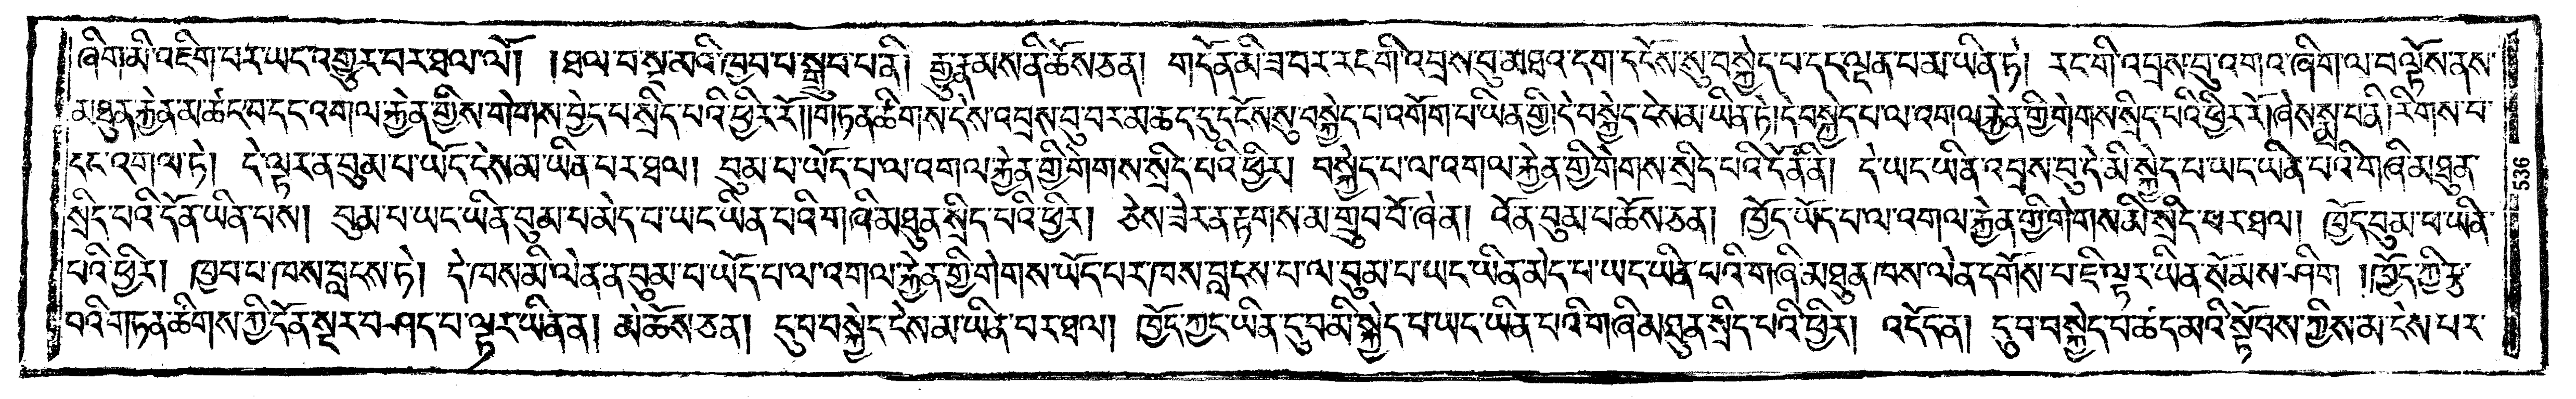ཞིག་མི་འཇིག་པར་ཡང་འགྱུར་བར་ཐལ་ལོ། །ཐལ་བ་སྔ་མའི་ཁྱབ་པ་སྒྲུབ་པ་ནི། རྒྱུ་རྣམས་ནི་ཆོས་ཅན། གདོན་མི་ཟ་བར་རང་གི་འབྲས་བུ་མཐའ་དག་དངོས་སུ་བསྐྱེད་པ་དང་ལྡན་པ་མ་ཡིན་ཏེ། རང་གི་འབྲས་བུ་འགའ་ཞིག་ལ་བལྟོས་ནས་
མཐུན་རྐྱེན་མ་ཚང་བ་དང་འགལ་རྐྱེན་གྱིས་གེགས་བྱེད་པ་སྲིད་པའི་ཕྱིར་རོ། །གཏན་ཚིགས་དེས་འབྲས་བུ་བར་མ་ཆད་དུ་དངོས་སུ་བསྐྱེད་པ་འགོག་པ་ཡིན་གྱི། དེ་བསྐྱེད་ངེས་མ་ཡིན་ཏེ། དེ་བསྐྱེད་པ་ལ་འགལ་རྐྱེན་གྱི་གེགས་སྲིད་པའི་ཕྱིར་རོ། ཞེས་སྨྲ་བ་ནི། རིགས་པ་
དང་འགལ་ཏེ། དེ་ལྟར་ན་བུམ་པ་ཡོད་ངེས་མ་ཡིན་པར་ཐལ། བུམ་པ་ཡོད་པ་ལ་འགལ་རྐྱེན་གྱི་གེགས་སྲིད་པའི་ཕྱིར། བསྐྱེད་པ་ལ་འགལ་རྐྱེན་གྱི་གེགས་སྲིད་པའི་དོན་ནི། དེ་ཡང་ཡིན་འབྲས་བུ་དེ་མི་སྐྱེད་པ་ཡང་ཡིན་པའི་གཞི་མཐུན་
སྲིད་པའི་དོན་ཡིན་པས། བུམ་པ་ཡང་ཡིན་བུམ་པ་མེད་པ་ཡང་ཡིན་པའི་གཞི་མཐུན་སྲིད་པའི་ཕྱིར། ཅེས་ཟེར་ན་རྟགས་མ་གྲུབ་བོ་ཞེ་ན། འོ་ན་བུམ་པ་ཆོས་ཅན། ཁྱོད་ཡོད་པ་ལ་འགལ་རྐྱེན་གྱི་གེགས་མི་སྲིད་པར་ཐལ། ཁྱོད་བུམ་པ་ཡིན་
པའི་ཕྱིར། ཁྱབ་པ་ཁས་བླངས་ཏེ། དེ་ཁས་མི་ལེན་ན་བུམ་པ་ཡོད་པ་ལ་འགལ་རྐྱེན་གྱི་གེགས་ཡོད་པར་ཁས་བླངས་པ་ལ་བུམ་པ་ཡང་ཡིན་མེད་པ་ཡང་ཡིན་པའི་གཞི་མཐུན་ཁས་ལེན་དགོས་པ་ཇི་ལྟར་ཡིན་སོམས་ཤིག །ཁྱོད་ཀྱི་རྩ་
བའི་གཏན་ཚིགས་ཀྱི་དོན་སྔར་བཤད་པ་ལྟར་ཡིན་ན། མེ་ཆོས་ཅན། དུ་བ་བསྐྱེད་ངེས་མ་ཡིན་པར་ཐལ། ཁྱོད་ཀྱང་ཡིན་དུ་བ་མི་སྐྱེད་པ་ཡང་ཡིན་པའི་གཞི་མཐུན་སྲིད་པའི་ཕྱིར། འདོད་ན། དུ་བ་བསྐྱེད་པ་ཚད་མའི་སྟོབས་ཀྱིས་མ་ངེས་པར་